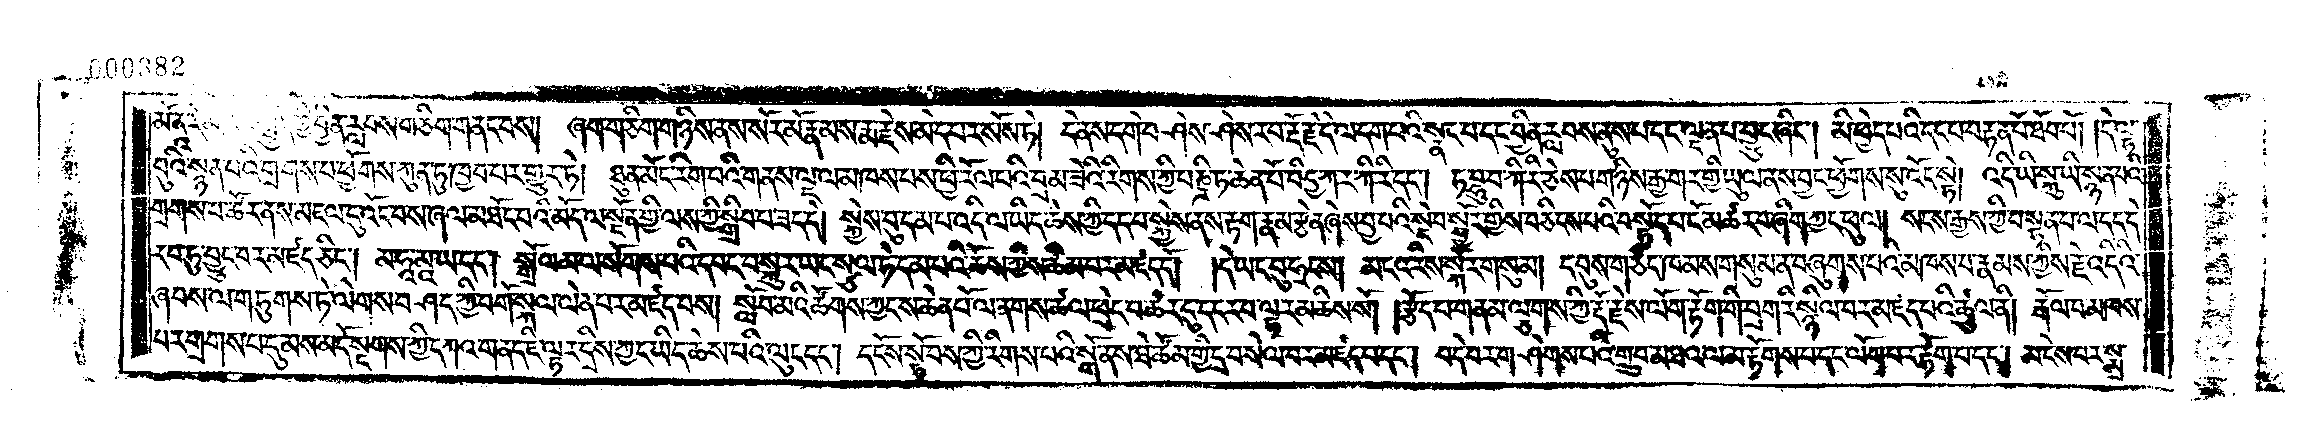མོ་ནཱ་རོ་མཁའ་སྤྱོད་ཀྱི་བྱིན་རླབས་གཅིག་གནང་བས། ཞག་གཅིག་གཉིས་ནས་སོར་མོ་རྣམས་རྨ་རྗེས་མེད་པར་སོས་ཏེ། དེ་ནས་དགེ་བཤེས་ཤེས་རབ་རྡོ་རྗེ་དེ་ལ་དག་པའི་སྣང་བ་དང་བྱིན་རླབས་ནུས་པ་དང་ལྡན་པ་བྱུང་ཞིང་། མི་ཕྱེད་པའི་དང་པ་བརྟན་པོ་ཐོབ་པོ། །དེ་ལྟ་
བུའི་སྙན་པའི་གྲགས་པ་ཕྱོགས་ཀུན་ཏུ་ཁྱབ་པར་གྱུར་ཏེ། ཐུན་མོང་རིག་པའི་གནས་ལྔ་ལ་མཁས་པས་ཕྱི་རོལ་པའི་བྲམ་ཟེའི་རིགས་ཀྱི་པཎྜི་ཏ་ཆེན་པོ་བི་དྱ་ཀ་ར་ཀི་རི་དང་། ཏ་བྷུ་བ་ཀི་རི་ཅེས་པ་གཉིས་རྒྱ་གར་གྱི་ཡུལ་ནས་བྱང་ཕྱོགས་སུ་འོང་སྟེ། འདི་ཡི་སྐུ་ཡི་སྙན་པའི་
གྲགས་པ་ཚོར་ནས་མཇལ་དུ་འོང་བས་ཞལ་མཐོང་བའི་མདོ་ལ་སྔོན་གྱི་ལས་ཀྱི་སྒྲིབ་བཟད་དེ། སྐྱེས་བུ་དམ་པ་འདི་ལ་ཡིད་ཆེས་ཀྱི་དད་པ་སྐྱེས་ནས་རྟག་རྣམ་རྩེན་ཞེས་བྱ་བའི་སྔེ་བ་སྦྱོར་གྱིས་བཅིངས་པའི་བསྟོད་པ་ངོ་མཚར་བ་ཞིག་ཀྱང་ཕུལ། སངས་རྒྱས་ཀྱི་བསྟན་པ་ལ་དད་དེ་
རབ་ཏུ་བྱུང་བར་མཛད་ཅིང་། མ་ཧཱ་མཱ་ཡ་དང་། སྒྲོལ་མ་ལ་སོགས་པའི་དབང་བསྐུར་ཡང་སྩལ་ཏེ་དམ་པའི་ཆོས་ཀྱིས་ཚིམ་པར་མཛད་དོ། །དེ་ཡང་བུ་ཧྲངས། མངའ་རིས་སྐོར་གསུམ། དབུས་གཙང་ཁམས་གསུམ་ན་བཞུགས་པའི་མཁས་པ་རྣམས་ཀྱིས་རྗེ་འདིའི་
ཞབས་ལ་གཏུགས་ཏེ་ལེགས་བཤད་ཀྱི་བགོ་སྐལ་ལེན་པར་མཛད་པས། སློབ་མའི་ཚོགས་ཀྱང་ས་ཆེན་པོ་ལ་ནགས་ཚལ་ཕྲེང་བ་ཚར་དུ་དངར་བ་ལྟར་མཆིས་སོ། །རྩོད་བ་གནམ་ལྕགས་ཀྱི་རྡོ་རྗེས་ལོག་རྟོག་གི་བྲག་རི་སྙིལ་བར་མཛད་པའི་ཚུལ་ནི། རྒོལ་བ་མཁས་
པར་གྲགས་པ་དུ་མས་མདོ་སྔགས་ཀྱི་དཀའ་གནད་ཇི་ལྟར་དྲིས་ཀྱང་ཡིད་ཆེས་པའི་ལུང་དང་། དངོས་སྟོབས་ཀྱི་རིགས་པའི་སྒོ་ནས་ཐེ་ཚོམ་གྱི་དྲ་བ་སེལ་བར་མཛད་པ་དང་། བདེ་བར་གཤེགས་པའི་གྲུབ་མཐའ་ལ་མ་རྟོགས་པ་དང་ལོག་པར་རྟོག་པ་དང་། མ་ངེས་པར་སྨྲ་